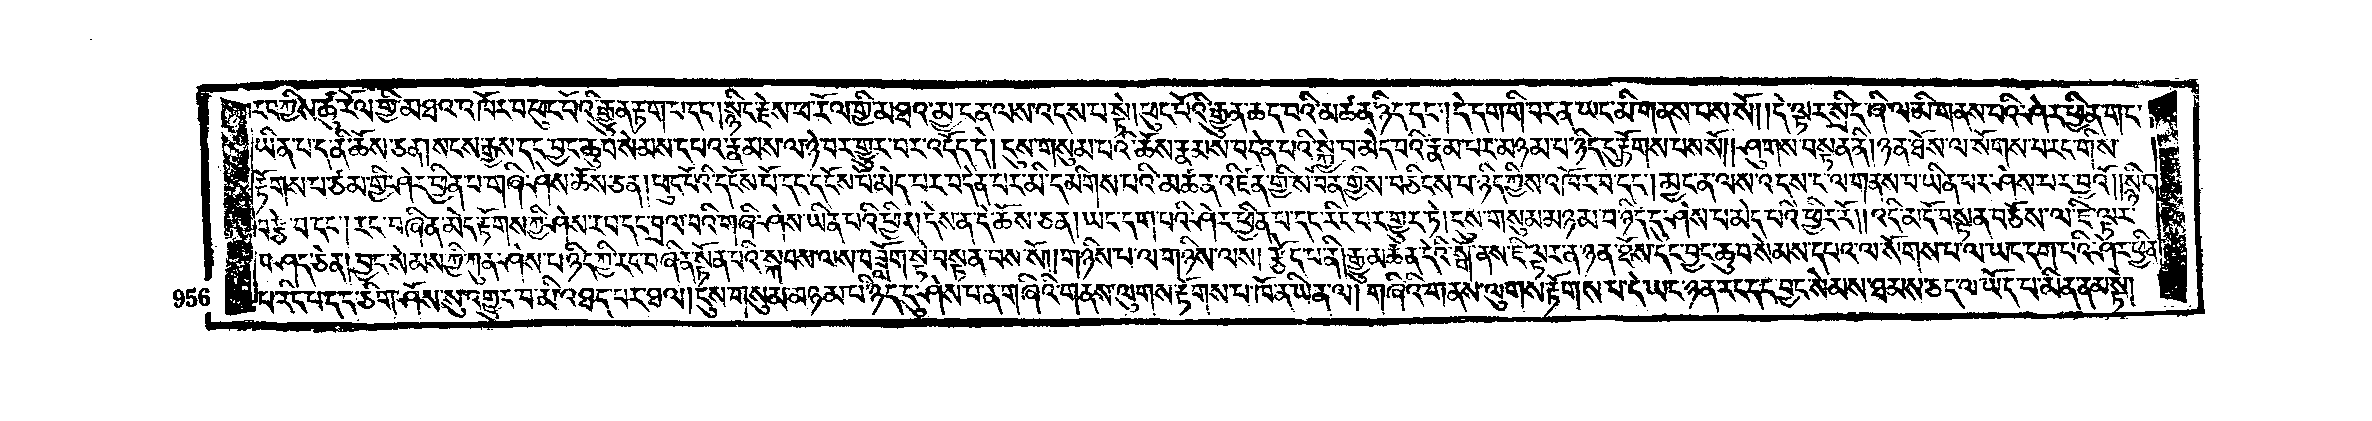རབ་ཀྱིས་ཚུ་རོལ་གྱི་མཐའ་འཁོར་བ་ཕུང་པོའི་རྒྱུན་རྟག་པ་དང་། སྙིང་རྗེས་ཕ་རོལ་གྱི་མཐའ་མྱ་ངན་ལས་འདས་པ་སྟེ། ཕུང་པོའི་རྒྱུན་ཆད་པའི་མཚན་ཉིད་དང་། དེ་དག་གི་བར་ན་ཡང་མི་གནས་པས་སོ། །དེ་ལྟར་སྲིད་ཞི་ལ་མི་གནས་པའི་ཤེར་ཕྱིན་གང་
ཡིན་པ་དེ་ནི་ཆོས་ཅན། སངས་རྒྱས་དང་བྱང་ཆུབ་སེམས་དཔའ་རྣམས་ལ་ཉེ་བར་གྱུར་བར་འདོད་དེ། དུས་གསུམ་པའི་ཆོས་རྣམས་བདེན་པའི་སྐྱེ་བ་མེད་པའི་རྣམ་པར་མཉམ་པ་ཉིད་དུ་རྟོགས་པས་སོ། །ཤུགས་བསྟན་ནི། ཉན་ཐོས་ལ་སོགས་པ་རང་གིས་
རྟོགས་པ་ཙམ་གྱི་ཤེར་ཕྱིན་པ་གཞི་ཤེས་ཆོས་ཅན། ཕུང་པོའི་དངོས་པོ་དང་དངོས་པོ་མེད་པར་བདེན་པར་མི་དམིགས་པའི་མཚན་འཛིན་གྱི་ས་བོན་གྱིས་བཅིངས་པ་ཉིད་ཀྱིས་འཁོར་བ་དང་། མྱ་ངན་ལས་འདས་པ་ལ་གནས་པ་ཡིན་པར་ཤེས་པར་བྱའོ། །སྙིང་
བརྩེ་བ་དང་། རང་བཞིན་མེད་རྟོགས་ཀྱི་ཤེས་རབ་དང་བྲལ་བའི་གཞི་ཤེས་ཡིན་པའི་ཕྱིར། དེས་ན་དེ་ཆོས་ཅན། ཡང་དག་པའི་ཤེར་ཕྱིན་པ་དང་རིང་པར་གྱུར་ཏེ། དུས་གསུམ་མཉམ་པ་ཉིད་དུ་ཤེས་པ་མེད་པའི་ཕྱིར་རོ། །འདི་མདོ་བསྟན་བཅོས་ལ་ཇི་ལྟར་
བཤད་ཅེ་ན། བྱང་སེམས་ཀྱི་ཀུན་ཤེས་པ་ཉིད་ཀྱི་རང་བཞིན་སྟོན་པའི་སྐབས་ལས་བཟློག་སྟེ་བསྟན་པས་སོ། །གཉིས་པ་ལ་གཉིས་ལས། རྩོད་པ་ནི། རྒྱུ་མཚན་དེའི་སྒོ་ནས་ཇི་ལྟར་ན་ཉན་ཐོས་དང་བྱང་ཆུབ་སེམས་དཔའ་ལ་སོགས་པ་ལ་ཡང་དག་པའི་ཤེར་ཕྱིན་
པ་རིང་པ་དང་ཅིག་ཤོས་སུ་འགྱུར་བ་མི་འཐད་པར་ཐལ། དུས་གསུམ་མཉམ་པ་ཉིད་དུ་ཤེས་པ་ན་གཞིའི་གནས་ལུགས་རྟོགས་པ་ཁོ་ན་ཡིན་ལ། གཞིའི་གནས་ལུགས་རྟོགས་པ་དེ་ཡང་ཉན་རང་དང་བྱང་སེམས་ཐམས་ཅད་ལ་ཡོད་པ་མིན་ནམ་སྟེ།